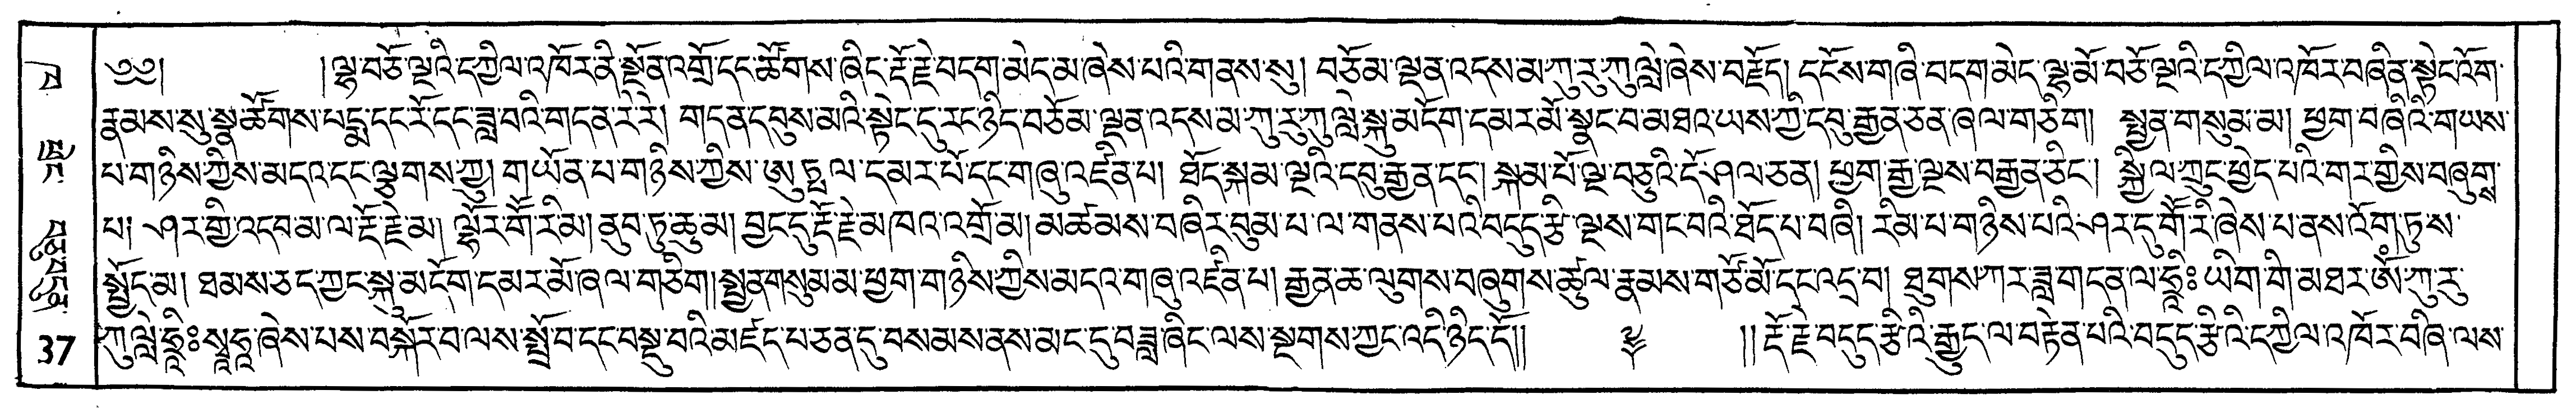༄༅། །ལྷ་བཅོ་ལྔའི་དཀྱིལ་འཁོར་ནི་སྔོན་འགྲོ་དང་ཚོགས་ཞིང་རྡོ་རྗེ་བདག་མེད་མ་ཞེས་པའི་གནས་སུ། བཅོམ་ལྡན་འདས་མ་ཀུ་རུ་ཀུ་ལླེ་ཞེས་བརྗོད། དངོས་གཞི་བདག་མེད་ལྷ་མོ་བཅོ་ལྔའི་དཀྱིལ་འཁོར་བཞིན་སྟེང་འོག་
རྣམས་སུ་སྣ་ཚོགས་པདམ་དང་རོ་དང་ཟླ་བའི་གདན་རེ་རེ། གདན་དབུས་མའི་སྟེང་དུ་རང་ཉིད་བཅོམ་ལྡན་འདས་མ་ཀུ་རུ་ཀུལླེ་སྐུ་མདོག་དམར་མོ་སྣང་བ་མཐའ་ཡས་ཀྱི་དབུ་རྒྱན་ཅན་ཞལ་གཅིག །སྤྱན་གསུམ་མ། ཕྱག་བཞིའི་གཡས་
པ་གཉིས་ཀྱིས་མདའ་དང་ལྕགས་ཀྱུ། གཡོན་པ་གཉིས་ཀྱིས་ཨུཏྤལ་དམར་པོ་དང་གཞུ་འཛིན་པ། ཐོད་སྐམ་ལྔའི་དབུ་རྒྱན་དང་། སྐམ་པོ་ལྔ་བཅུའི་དོ་ཤལ་ཅན། ཕྱག་རྒྱ་ལྔས་བརྒྱན་ཅིང་། སྐྱིལ་ཀྲུང་ཕྱེད་པའི་གར་གྱིས་བཞུགས་
པ། ཤར་གྱི་འདབ་མ་ལ་རྡོ་རྗེ་མ། ལྷོར་གཽ་རི་མ། ནུབ་ཏུ་ཆུ་མ། བྱང་དུ་རྡོ་རྗེ་མཁའ་འགྲོ་མ། མཚམས་བཞིར་བུམ་པ་ལ་གནས་པའི་བདུད་རྩི་ལྔས་གང་བའི་ཐོད་པ་བཞི། རིམ་པ་གཉིས་པའི་ཤར་དུ་གཽ་རི་ཞེས་པ་ནས་འོག་ཏུ་ས་
སྤྱོད་མ། ཐམས་ཅད་ཀྱང་སྐུ་མདོག་དམར་མོ་ཞལ་གཅིག །སྤྱན་གསུམ་མ་ཕྱག་གཉིས་ཀྱིས་མདའ་གཞུ་འཛིན་པ། རྒྱན་ཆ་ལུགས་བཞུགས་ཚུལ་རྣམས་གཙོ་མོ་དང་འདྲ་བ། ཐུགས་ཀར་ཟླ་གདན་ལ་ཧྲཱིཿ ཡིག་གི་མཐར་ཨོཾ་ཀུ་རུ་
ཀུལླེ་ཧྲཱིཿ སྭཱཧཱ་ཞེས་པས་བསྐོར་བ་ལས་སྤྲོ་བ་དང་བསྡུ་བའི་མཛད་པ་ཅན་དུ་བསམས་ནས་མང་དུ་བཟླ་ཞིང་ལས་སྔགས་ཀྱང་འདི་ཉིད་དོ།། ༈ །།རྡོ་རྗེ་བདུད་རྩིའི་རྒྱུད་ལ་བརྟེན་པའི་བདུད་རྩིའི་དཀྱིལ་འཁོར་བཞི་ལས་